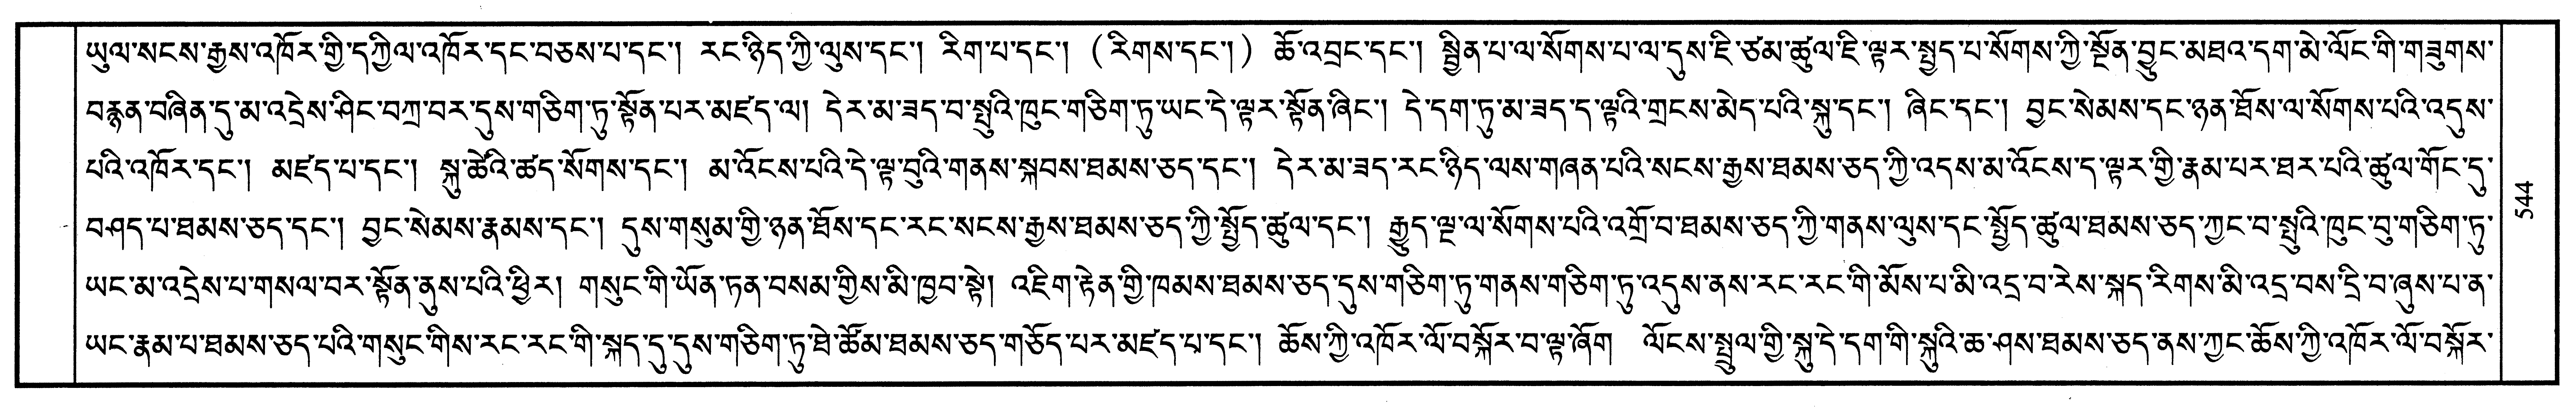ཡུལ་སངས་རྒྱས་འཁོར་གྱི་དཀྱིལ་འཁོར་དང་བཅས་པ་དང་། རང་ཉིད་ཀྱི་ལུས་དང་། རིག་པ་དང་། རིགས་དང་།  ཆོ་འབྲང་དང་། སྦྱིན་པ་ལ་སོགས་པ་ལ་དུས་ཇི་ཙམ་ཚུལ་ཇི་ལྟར་སྤྱད་པ་སོགས་ཀྱི་སྔོན་བྱུང་མཐའ་དག་མེ་ལོང་གི་གཟུགས་
བརྙན་བཞིན་དུ་མ་འདྲེས་ཤིང་བཀྲ་བར་དུས་གཅིག་ཏུ་སྟོན་པར་མཛད་ལ། དེར་མ་ཟད་པ་སྤུའི་ཁུང་གཅིག་ཏུ་ཡང་དེ་ལྟར་སྟོན་ཞིང་། དེ་དག་ཏུ་མ་ཟད་ད་ལྟའི་གྲངས་མེད་པའི་སྐུ་དང་། ཞིང་དང་། བྱང་སེམས་དང་ཉན་ཐོས་ལ་སོགས་པའི་འདུས་
པའི་འཁོར་དང་། མཛད་པ་དང་། སྐུ་ཚེའི་ཚད་སོགས་དང་། མ་འོངས་པའི་དེ་ལྟ་བུའི་གནས་སྐབས་ཐམས་ཅད་དང་། དེར་མ་ཟད་རང་ཉིད་ལས་གཞན་པའི་སངས་རྒྱས་ཐམས་ཅད་ཀྱི་འདས་མ་འོངས་ད་ལྟར་གྱི་རྣམ་པར་ཐར་པའི་ཚུལ་གོང་དུ་
བཤད་པ་ཐམས་ཅད་དང་། བྱང་སེམས་རྣམས་དང་། དུས་གསུམ་གྱི་ཉན་ཐོས་དང་རང་སངས་རྒྱས་ཐམས་ཅད་ཀྱི་སྤྱོད་ཚུལ་དང་། རྒྱུད་ལྔ་ལ་སོགས་པའི་འགྲོ་བ་ཐམས་ཅད་ཀྱི་གནས་ལུས་དང་སྤྱོད་ཚུལ་ཐམས་ཅད་ཀྱང་བ་སྤུའི་ཁུང་བུ་གཅིག་ཏུ་
ཡང་མ་འདྲེས་པ་གསལ་བར་སྟོན་ནུས་པའི་ཕྱིར། གསུང་གི་ཡོན་ཏན་བསམ་གྱིས་མི་ཁྱབ་སྟེ། འཇིག་རྟེན་གྱི་ཁམས་ཐམས་ཅད་དུས་གཅིག་ཏུ་གནས་གཅིག་ཏུ་འདུས་ནས་རང་རང་གི་མོས་པ་མི་འདྲ་བ་རེས་སྐད་རིགས་མི་འདྲ་བས་དྲི་བ་ཞུས་པ་ན་
ཡང་རྣམ་པ་ཐམས་ཅད་པའི་གསུང་གིས་རང་རང་གི་སྐད་དུ་དུས་གཅིག་ཏུ་ཐེ་ཚོམ་ཐམས་ཅད་གཅོད་པར་མཛད་པ་དང་། ཆོས་ཀྱི་འཁོར་ལོ་བསྐོར་བ་ལྟ་ཞོག་ལོངས་སྤྲུལ་གྱི་སྐུ་དེ་དག་གི་སྐུའི་ཆ་ཤས་ཐམས་ཅད་ནས་ཀྱང་ཆོས་ཀྱི་འཁོར་ལོ་བསྐོར་